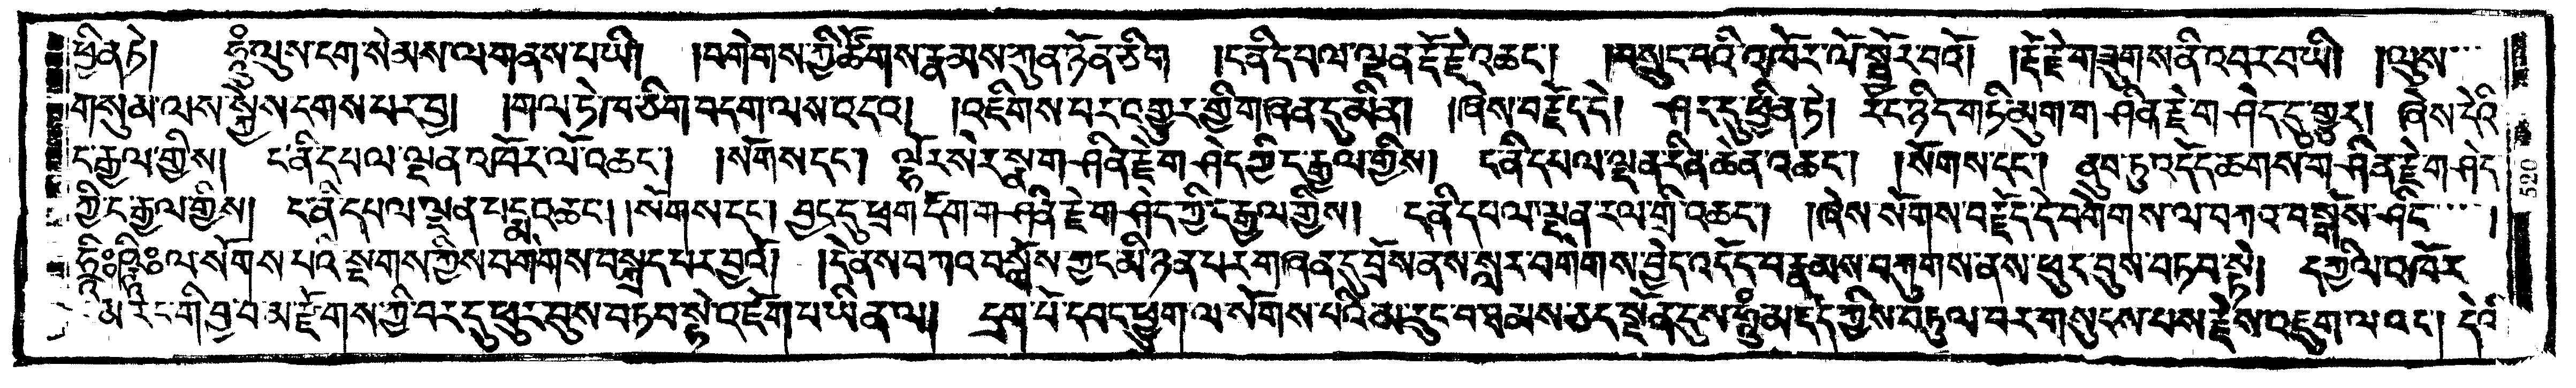ཕྱིན་ཏེ། ཧཱུཾ་ལུས་ངག་སེམས་ལ་གནས་པ་ཡི། །བགེགས་ཀྱི་ཚོགས་རྣམས་ཀུན་ཉོན་ཅིག །ང་ནི་དཔལ་ལྡན་རྡོ་རྗེ་འཆང་། །བསྲུང་བའི་འཁོར་ལོ་སྦྱོར་བའོ། །རྡོ་རྗེ་གཟུགས་ནི་འབར་བ་ཡི། །ལུས་
གསུམ་ལས་སྐྱེས་དགས་པར་བྱ། །གལ་ཏེ་ཁ་ཅིག་བདག་ལས་འདའ། །འཇིགས་པར་འགྱུར་གྱི་གཞན་དུ་མིན། །ཞེས་བརྗོད་དེ། ཤར་དུ་ཕྱིན་ཏེ། རང་ཉིད་གཏི་མུག་གཤིན་རྗེ་གཤེད་དུ་གྱུར། ཞེས་དེའི་
ང་རྒྱལ་གྱིས། ང་ནི་དཔལ་ལྡན་འཁོར་ལོ་འཆང་། །སོགས་དང་། ལྷོར་སེར་སྣ་གཤིན་རྗེ་གཤེད་ཀྱི་ང་རྒྱལ་གྱིས། ང་ནི་དཔལ་ལྡན་རིན་ཆེན་འཆང་། །སོགས་དང་། ནུབ་ཏུ་འདོད་ཆགས་གཤིན་རྗེ་གཤེད་
ཀྱི་ང་རྒྱལ་གྱིས། ང་ནི་དཔལ་ལྡན་པདམ་འཆང་། །སོགས་དང་། བྱང་དུ་ཕྲག་དོག་གཤིན་རྗེ་གཤེད་ཀྱི་ང་རྒྱལ་གྱིས། ད་ནི་དཔལ་ལྡན་རལ་གྲི་འཆང་། །ཞེས་སོགས་བརྗོད་དེ་བགེགས་ལ་བཀའ་བསྒོས་ཤིང་།
ཧྲཱིཿ ཥྚཱིཿ ལ་སོགས་པའི་སྔགས་ཀྱིས་བགེགས་བསྐྲད་པར་བྱའོ། །དེ་ནས་བཀའ་བསློས་ཀྱང་མི་ཉན་པར་གཞན་དུ་བྲོས་ནས་སླར་བགེགས་བྱེད་འདོད་པ་རྣམས་བཀུགས་ནས་ཕུར་བུས་བཏབ་སྟེ། དཀྱིལ་འཁོར་
མ་རིང་གི་བྱ་བ་མ་རྫོགས་ཀྱི་བར་དུ་ཕུར་བུས་བཏབ་སྟེ་འཇོག་པ་ཡིན་ལ། དྲག་པོ་དབང་ཕུག་ལ་སོགས་པའི་མ་རུང་བ་ཐམས་ཅད་སྔོན་དུས་ཧཱུཾ་མཛད་ཀྱིས་བཏུལ་བར་གསུངས་པས་རྗེས་འཇུག་ལའང་། དེའི་